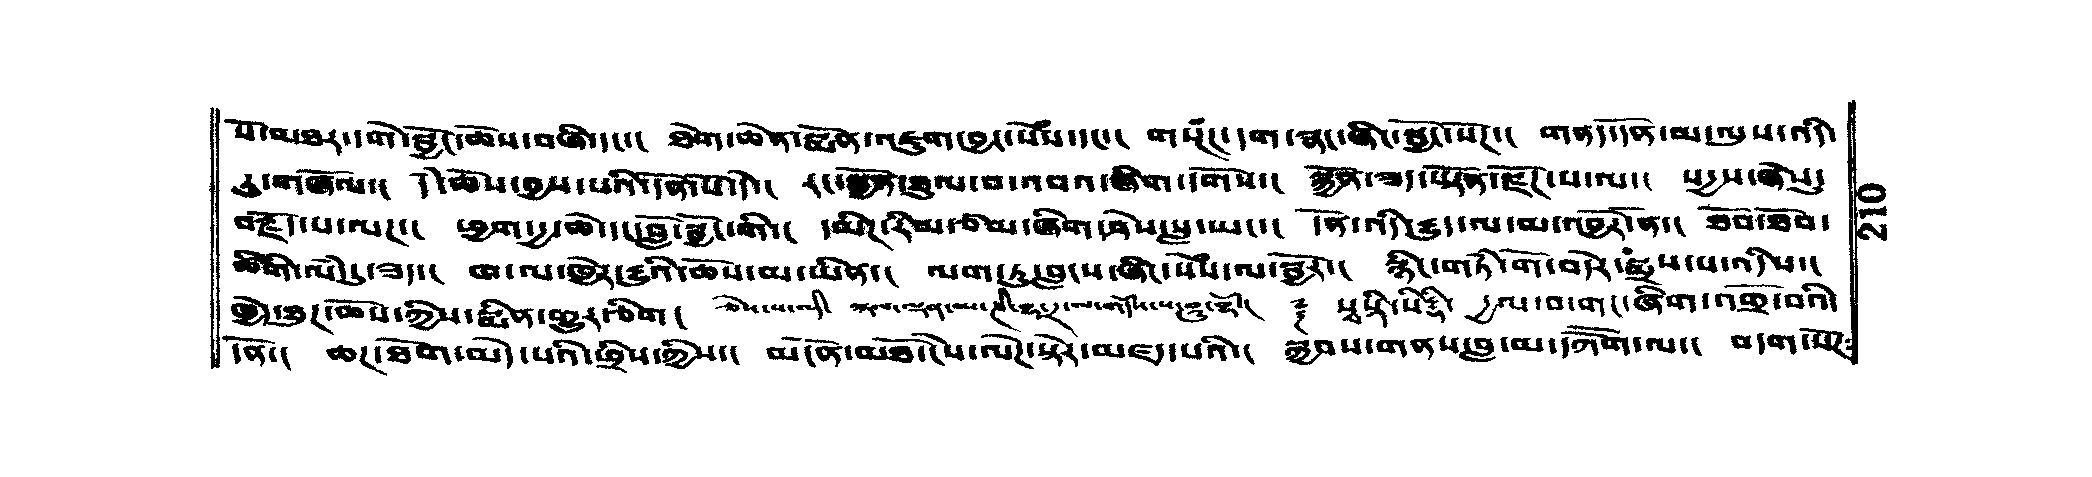།སོ་ཐར་དགེ་སྦྱོང་ཆོས་བཞི་དང་། །ཐེག་ཆེན་སྨོན་འཇུག་བྱང་སེམས་དང་། །གསང་སྔགས་དག་སྣང་ཞིང་སྦྱོང་སོགས། །གནད་དོན་མ་ལུས་འདི་
རུ་གཞོལ། །དམ་ཆོས་བྱས་པའི་དོན་པོ་དེ། །རང་སྐྱོན་ཐུལ་བ་འབའ་ཞིག་དགོས། །སྐྱོན་ཟད་ཡོན་ཏན་རྫོགས་པ་ལ། །སངས་རྒྱས་ཞེས་སུ་
བརྗོད་པ་ལགས། །ཕྱག་རྒྱ་ཆེ་དང་བློ་སྦྱོང་གི །དམིགས་རིམ་ཙམ་ཞིག་ཤེས་སླ་ཡང་། །དོན་འདི་རྒྱུད་ལ་མ་འབྱོར་ན། །ཐོབ་ཐོབ་
ཚིག་གི་ལམ་དུ་ཟད། །ཁ་ལ་ཁྱེར་རྒྱུའི་ཆོས་མ་ཡིན། །ལག་ཏུ་བླངས་ཞིང་སེམས་ལ་སྦྱོར། །སྙིང་གཏམ་གོ་བདེར་སྨྲས་པ་འདིས་། །
ཁྱེད་ཐུགས་ཆོས་ཀྱིས་སྨིན་གྱུར་ཅིག ། ཅེས་པ་འདི་སྐལ་ལྡན་མ་ཎི་བྷ་དྲ་ལ་གདམས་པ་ཤུ་བྷམ།། ༈ སྭ་སྟི་སི་དྡྷི། །རྒྱལ་བ་གང་ཞིག་འགྲོ་བའི་
དོན། །ཆགས་ཐོགས་མེད་པའི་ཕྲིན་ལས་ཀྱིས། །མངོན་མཐོ་ངེས་ལེགས་སྟེར་མཛད་པའི། །སྐྱབས་གནས་བླ་མ་དཀོན་མཆོག་ལ། །བདག་སོགས་